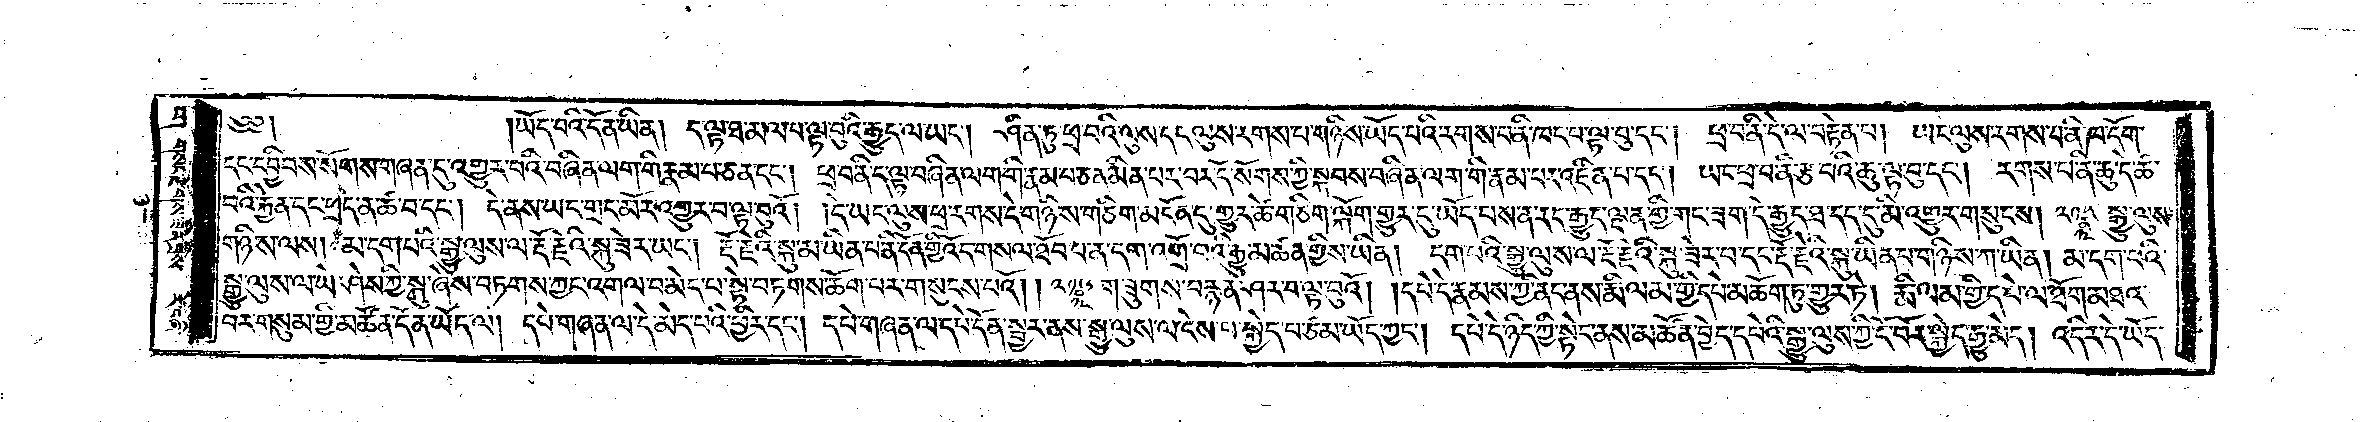༄༅། །ཡོད་བའི་དོན་ཡིན། ད་ལྟ་ཐ་མལ་པ་ལྟ་བུའི་རྒྱུད་ལ་ཡང་། ཤིན་ཏུ་ཕྲ་བའི་ལུས་དང་ལུས་རགས་པ་གཉིས་ཡོད་པའི་རགས་པ་ནི་ཁང་པ་ལྟ་བུ་དང་། ཕྲ་བ་ནི་དེ་ལ་བརྟེན་པ། ཡང་ལུས་རགས་པ་ནི་ཁ་དོག་
དང་དབྱིབས་སོགས་གཞན་དུ་འགྱུར་བའི་བཞིན་ལག་གི་རྣམ་པ་ཅན་དང་། ཕྲ་བ་ནི་ད་ལྟ་བཞིན་ལག་གི་རྣམ་པ་ཅན་མིན་པར་བར་དོ་སོགས་ཀྱི་སྐབས་བཞིན་ལག་གི་རྣམ་པར་འཛིན་པ་དང་། ཡང་པྲ་བ་ནི་རྩ་པའི་ཆུ་ལྟ་བུ་དང་། རགས་པ་ནི་ཆུ་དེ་ཚ་
བའི་རྐྱེན་དང་ཕྲད་ན་ཚ་བ་དང་། དེ་ནས་ཡང་གྲང་མོར་གྱུར་བ་ལྟ་བུའོ། །དེ་ཡང་ལུས་ཕྲ་རགས་དེ་གཉིས་གཅིག་མངོན་དུ་གྱུར་ཚེ་གཅིག་ལྐོག་གྱུར་དུ་ཡོད་པས་ན་རང་རྒྱུད་ལྡན་གྱི་གང་ཟག་དེ་རྒྱུད་ཐ་དད་དུ་མི་འགྱུར་གསུངས། ༢༡༥ན༣་སྒྱུ་ལུས་
གཉིས་ལས། མ་དག་པའི་སྒྱུ་ལུས་ལ་རྡོ་རྗེའི་སྐུ་ཟེར་ཡང་། རྡོ་རྗེའི་སྐུ་མ་ཡིན་པ་ནི་དོན་གྱི་འོད་གསལ་ཐོབ་པ་ན་དག་འགྲོ་བའི་རྒྱུ་མཚན་གྱིས་ཡིན། དག་པའི་སྒྱུ་ལུས་ལ་རྡོ་རྗེའི་སྐུ་ཟེར་བ་དང་རྡོ་རྗེའི་སྐུ་ཡིན་པ་གཉིས་ཀ་ཡིན། མ་དག་པའི་
སྒྱུ་ལུས་ལ་ཡེ་ཤེས་ཀྱི་སྐུ་ཞེས་བཏགས་ཀྱང་འགལ་བ་མེད་པ་སྟེ་བཏགས་ཆོག་པར་གསུངས་པའོ། །༢༡༦བ༣་གཟུགས་བརྙན་ཤར་བ་ལྟ་བུའོ། །དཔེ་དེ་རྣམས་ཀྱི་ནང་ནས་རྨི་ལམ་གྱི་དཔེ་མཆོག་ཏུ་གྱུར་ཏེ། རྨི་ལམ་གྱི་དཔེ་ལ་ཐོག་མཐའ་
བར་གསུམ་གྱི་མཚོན་དོན་ཡོད་ལ། དཔེ་གཞན་དེ་མེད་པའི་ཕྱིར་དང་། དཔེ་གཞན་ལ་དཔེ་དོན་སྦྱར་ནས་སྒྱུ་ལུས་ལ་ངེས་པ་སྐྱེད་པ་ཙམ་ཡོད་ཀྱང་། དཔེ་དེ་ཉིད་ཀྱི་སྟེང་ནས་མཚོན་བྱེད་དཔེའི་སྒྱུ་ལུས་ཀྱི་ངོ་བོར་སྐྱེད་རྒྱུ་མེད། འདིར་དེ་ཡོད་